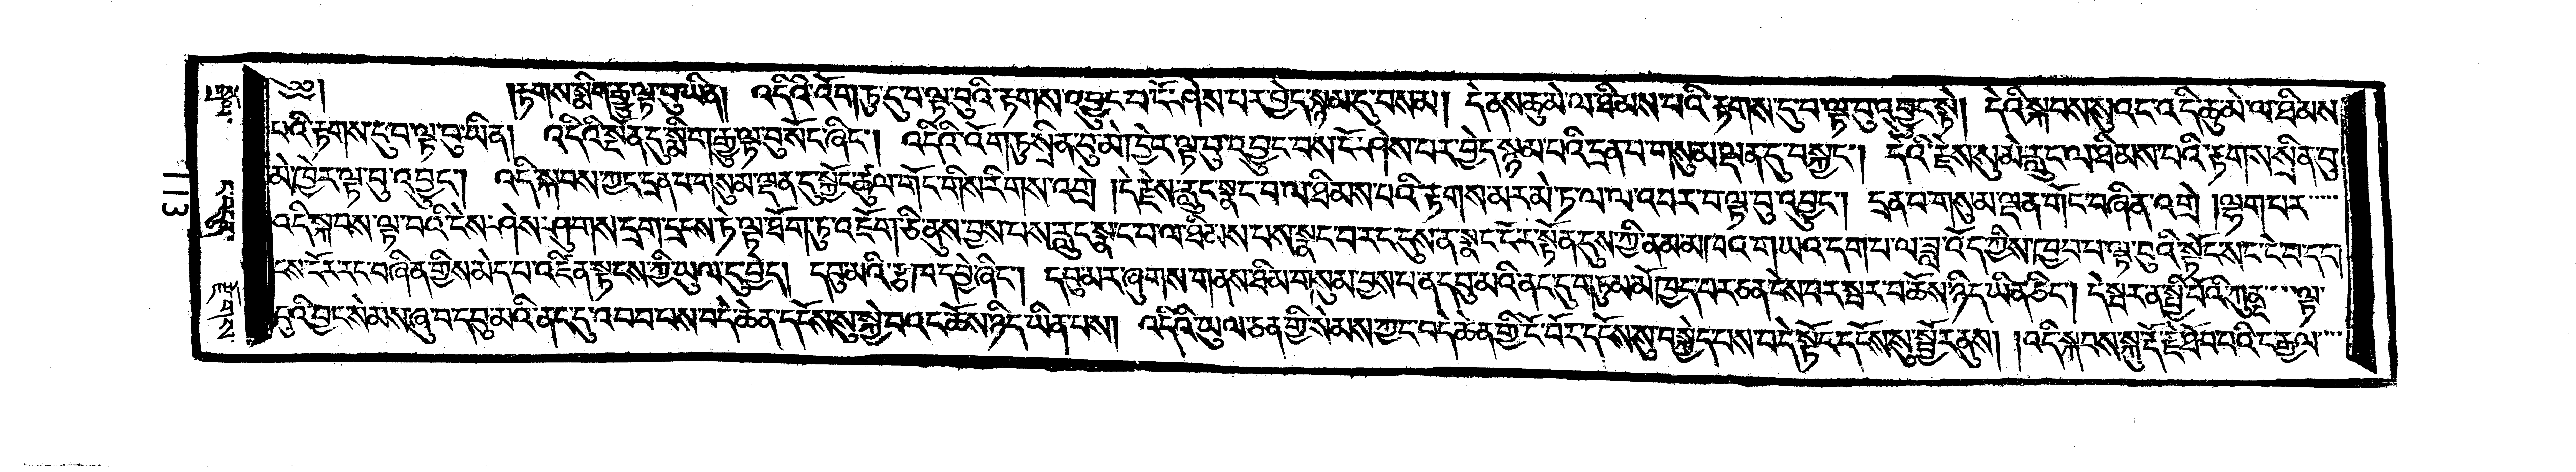༄༅། །རྟགས་སྨིག་རྒྱུ་ལྟ་བུ་ཡིན། འདིའི་འོག་ཏུ་དུ་བ་ལྟ་བུའི་རྟགས་འབྱུང་བ་ངོ་ཤེས་པར་བྱེད་སྙམ་དུ་བསམ། དེ་ནས་ཆུ་མེ་ལ་ཐིམས་པའི་རྟགས་དུ་བ་ལྟ་བུ་འབྱུང་སྟེ། དེའི་སྐབས་སུའང་འདི་ཆུ་མེ་ལ་ཐིམས་
པའི་རྟགས་དུ་བ་ལྟ་བུ་ཡིན། འདིའི་སྔོན་དུ་སྨིག་རྒྱུ་ལྟ་བུ་སོང་ཞིང་། འདིའི་འོག་ཏུ་སྲིན་བུ་མེ་ཁྱེར་ལྟ་བུ་འབྱུང་བས་ངོ་ཤེས་པར་བྱེད་སྙམ་པའི་དྲན་པ་གསུམ་ལྡན་དུ་བསྐྱང་། དེའི་རྗེས་སུ་མེ་རླུང་ལ་ཐིམས་པའི་རྟགས་སྲིན་བུ་
མེ་ཁྱེར་ལྟ་བུ་འབྱུང་། འདི་སྐབས་ཀྱང་དྲན་པ་གསུམ་ལྡན་དུ་སྐྱོང་ཚུལ་གོང་གིས་རིགས་འགྲེ་།དེ་རྗེས་རླུང་སྣང་བ་ལ་ཐིམས་པའི་རྟགས་མར་མེ་ཏ་ལ་ལ་འབར་བ་ལྟ་བུ་འབྱུང་། དྲན་པ་གསུམ་ལྡན་གོང་བཞིན་འགྲེ་།ལྷག་པར་
འདི་སྐབས་ལྟ་བའི་ངེས་ཤེས་ཤུགས་དྲག་དྲངས་ཏེ་ལྟ་ཐོག་ཏུ་འཇོག་ཅི་ནུས་བྱས་པས་རླུང་སྣང་བ་ལ་ཐིམས་པས་སྣང་བ་རང་དུས་ན་སྣང་ངོར་སྟོན་དུས་ཀྱི་ནམ་མཁའ་གཡའ་དག་པ་ལ་ཟླ་འོད་ཀྱིས་ཁྱབ་པ་ལྟ་བུའི་སྟོང་པས་དེ་བ་དང་།
ངེས་ངོར་རང་བཞིན་གྱིས་མེད་པ་འཛིན་སྟངས་ཀྱི་ཡུལ་དུ་བྱེད། དབུ་མའི་རྩ་ཁ་དབྱེ་ཞིང་། དབུ་མར་ཞུགས་གནས་ཐིམ་གསུམ་བྱས་པ་ན་དབུ་མའི་ནང་དུ་གཏུམ་མོ་ཁྱད་པར་ཅན་ངེས་པར་སྦར་བ་ཆོས་ཉིད་ཡིན་ཅིང་། དེ་འབར་ན་སྤྱི་བོའི་ཀུནྡ་ལྟ་
བུའི་བྱང་སེམས་ཞུ་བ་དབུ་མའི་ནང་དུ་འབབ་པས་བདེ་ཆེན་དངོས་སུ་སྐྱེ་བའང་ཆོས་ཉིད་ཡིན་པས། འདིའི་ཡུལ་ཅན་གྱི་སེམས་ཀྱང་བདེ་ཆེན་གྱི་ངོ་བོར་དངོས་སུ་བསྐྱེད་པས་བདེ་སྟོང་དངོས་སུ་སྦྱོར་ནུས། འདི་སྐབས་སྐུ་རྡོ་རྗེ་ཐོབ་པའི་ང་རྒྱལ་